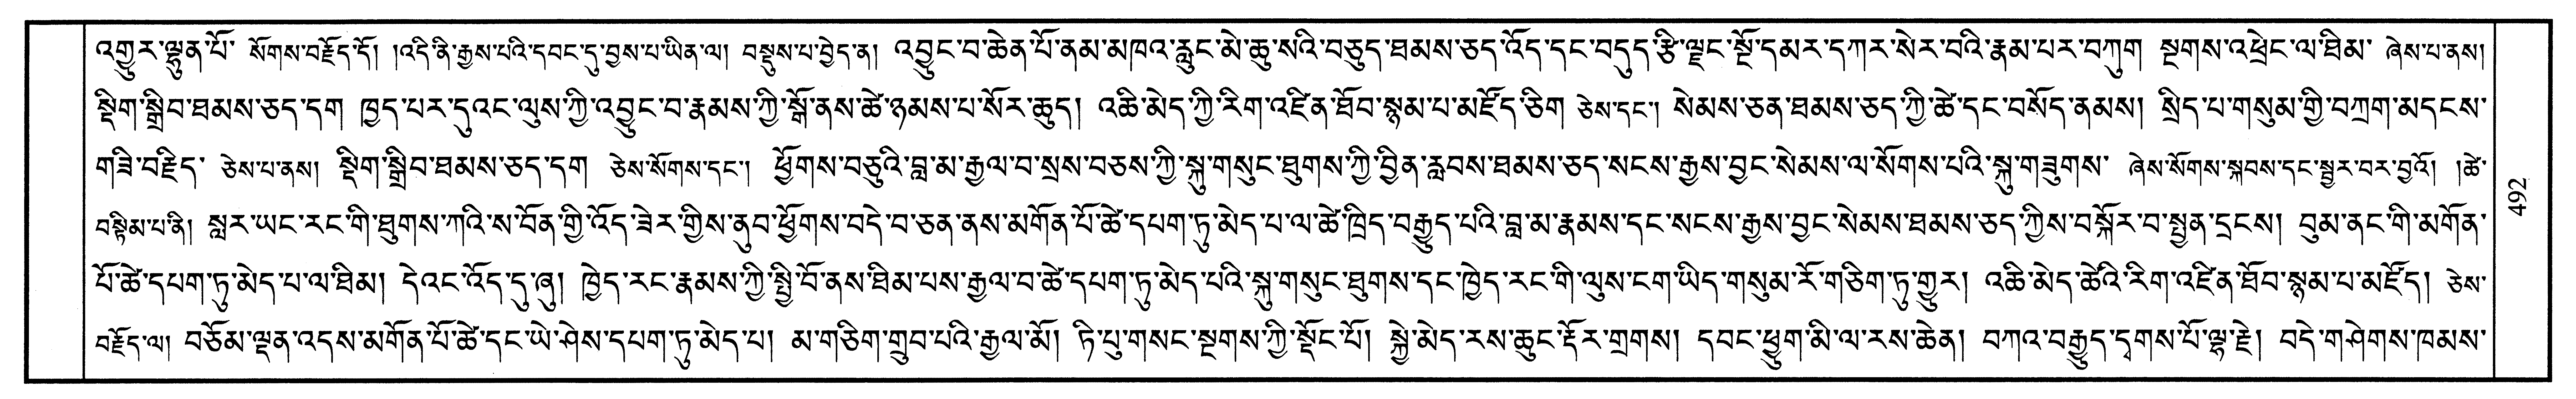འགྱུར་ལྷུན་པོ་སོགས་བརྗོད་དོ། །འདི་ནི་རྒྱས་པའི་དབང་དུ་བྱས་པ་ཡིན་ལ། བསྡུས་པ་བྱེད་ན། འབྱུང་བ་ཆེན་པོ་ནམ་མཁའ་རླུང་མེ་ཆུ་སའི་བཅུད་ཐམས་ཅད་འོད་དང་བདུད་རྩི་ལྗང་སྔོ་དམར་དཀར་སེར་བའི་རྣམ་པར་བཀུག་སྔགས་འཕྲེང་ལ་ཐིམ་ཞེས་པ་ནས།
སྡིག་སྒྲིབ་ཐམས་ཅད་དག་ཁྱད་པར་དུའང་ལུས་ཀྱི་འབྱུང་བ་རྣམས་ཀྱི་སྒོ་ནས་ཚེ་ཉམས་པ་སོར་ཆུད། འཆི་མེད་ཀྱི་རིག་འཛིན་ཐོབ་སྙམ་པ་མཛོད་ཅིག་ཅེས་དང་། སེམས་ཅན་ཐམས་ཅད་ཀྱི་ཚེ་དང་བསོད་ནམས། སྲིད་པ་གསུམ་གྱི་བཀྲག་མདངས་
གཟི་བརྗིད་ཅེས་པ་ནས། སྡིག་སྒྲིབ་ཐམས་ཅད་དག་ཅེས་སོགས་དང་། ཕྱོགས་བཅུའི་བླ་མ་རྒྱལ་བ་སྲས་བཅས་ཀྱི་སྐུ་གསུང་ཐུགས་ཀྱི་བྱིན་རླབས་ཐམས་ཅད་སངས་རྒྱས་བྱང་སེམས་ལ་སོགས་པའི་སྐུ་གཟུགས་ཞེས་སོགས་སྐབས་དང་སྦྱར་བར་བྱའོ། །ཚེ་
བསྟིམ་པ་ནི། སླར་ཡང་རང་གི་ཐུགས་ཀའི་ས་བོན་གྱི་འོད་ཟེར་གྱིས་ནུབ་ཕྱོགས་བདེ་བ་ཅན་ནས་མགོན་པོ་ཚེ་དཔག་ཏུ་མེད་པ་ལ་ཚེ་ཁྲིད་བརྒྱུད་པའི་བླ་མ་རྣམས་དང་སངས་རྒྱས་བྱང་སེམས་ཐམས་ཅད་ཀྱིས་བསྐོར་བ་སྤྱན་དྲངས། བུམ་ནང་གི་མགོན་
པོ་ཚེ་དཔག་ཏུ་མེད་པ་ལ་ཐིམ། དེའང་འོད་དུ་ཞུ། ཁྱེད་རང་རྣམས་ཀྱི་སྤྱི་བོ་ནས་ཐིམ་པས་རྒྱལ་བ་ཚེ་དཔག་ཏུ་མེད་པའི་སྐུ་གསུངས་ཐུགས་དང་ཁྱེད་རང་གི་ལུས་ངག་ཡིད་གསུམ་རོ་གཅིག་ཏུ་གྱུར། འཆི་མེད་ཚེའི་རིག་འཛིན་ཐོབ་སྙམ་པ་མཛོད། ཅེས་
བརྗོད་ལ། བཅོམ་ལྡན་འདས་མགོན་པོ་ཚེ་དང་ཡེ་ཤེས་དཔག་ཏུ་མེད་པ། མ་གཅིག་གྲུབ་པའི་རྒྱལ་མོ། ཏི་པུ་གསང་སྔགས་ཀྱི་སྡོང་པོ། སྐྱེ་མེད་རས་ཆུང་རྡོར་གྲགས། དབང་ཕྱུག་མི་ལ་རས་ཆེན། བཀའ་བརྒྱུད་དྭགས་པོ་ལྷ་རྗེ། བདེ་གཤེགས་ཁམས་